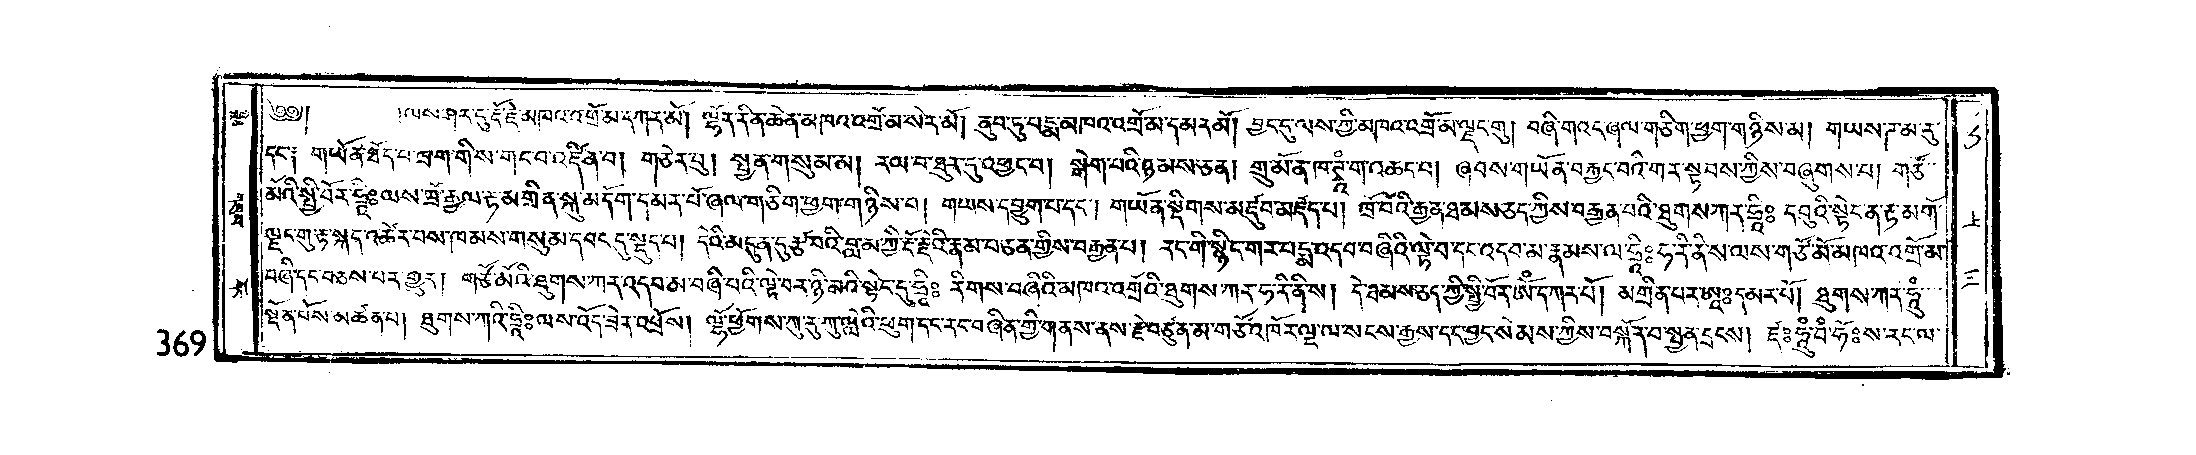༄༅། །ལས་ཤར་དུ་རྡོ་རྗེ་མཁར་འགྲོ་དཀར་མོ། ལྷོར་རིན་ཆེན་མཁའ་འགྲོ་མ་སེར་མོ། ནུབ་ཏུ་པདམ་མཁའ་འགྲོ་མ་དམར་མོ། བྱང་དུ་ལས་ཀྱི་མཁའ་འགྲོ་མ་ལྗང་གུ། བཞི་གའང་ཞལ་གཅིག་ཕྱག་གཉིས་མ། གཡས་ཌ་མ་རུ་
དང་། གཡོན་ཐོད་པ་ཁྲག་གིས་གང་བ་འཛིན་པ། གཅེར་བུ། སྤྱན་གསུམ་མ། རལ་བ་ཐུར་དུ་འཕྱང་བ། སྒེག་པའི་ཉམས་ཅན། གྲུ་མོ་ན་ཁ་ཊཱཾ་ག་འཆང་བ། ཞབས་གཡོན་བརྐྱང་བའི་གར་སྟབས་ཀྱིས་བཞུགས་པ། གཙོ་
མོའི་སྤྱི་བོར་ཧྲཱིཿ ལས་ཁྲོ་རྒྱལ་རྟ་མགྲིན་སྐུ་མདོག་དམར་པོ་ཞལ་གཅིག་ཕྱག་གཉིས་པ། གཡས་དབྱུག་པ་དང་། གཡོན་སྡིགས་མཛུབ་མཛད་པ། ཁྲོ་བོའི་རྒྱན་ཐམས་ཅད་ཀྱིས་བརྒྱན་པའི་ཐུགས་ཀར་ཧྲཱིཿ དབུའི་སྟེང་ན་རྟ་མགོ་
ལྗང་གུ་རྟ་སྐད་འཚེར་བས་ཁམས་གསུམ་དབང་དུ་སྡུད་པ། དེའི་མདུན་དུ་རྩ་བའི་བླ་མ་ཀྱཻ་རྡོ་རྗེའི་རྣམ་པ་ཅན་གྱིས་བརྒྱན་པ། རང་གི་སྙིང་གར་པདམ་འདབ་བཞིའི་ལྟེ་བ་དང་འདབ་མ་རྣམས་ལ་ཧྲཱིཿ ཧ་རི་ནི་ས་ལས་གཙོ་མོ་མཁའ་འགྲོ་མ་
བཞི་དང་བཅས་པར་གྱུར། གཙོ་མོའི་ཐུགས་ཀར་འདབ་མ་བཞི་པའི་ལྟེ་བར་ཉི་མའི་སྟེང་དུ་ཧྲཱིཿ རིགས་བཞིའི་མཁའ་འགྲོའི་ཐུགས་ཀར་ཧ་རི་ནི་ས། དེ་ཐམས་ཅད་ཀྱི་སྤྱི་བོར་ཨོཾ་དཀར་པོ། མགྲིན་པར་ཨཱཿ དམར་པོ། ཐུགས་ཀར་ཧཱུཾ་
སྔོན་པོས་མཚན་པ། ཐུགས་ཀའི་ཧྲཱིཿ ལས་འོད་ཟེར་འཕྲོས། ལྷོ་ཕྱོགས་ཀུ་རུ་ཀུ་ལླེའི་ཕུག་དང་རང་བཞིན་གྱི་གནས་ནས་རྗེ་བཙུན་མ་གཙོ་འཁོར་ལྔ་ལ་སངས་རྒྱས་དང་བྱང་སེམས་ཀྱིས་བསྐོར་བ་སྤྱན་དྲངས། ཛཿཧཱུཾ་བཾ་ཧོཿ ས་རང་ལ་